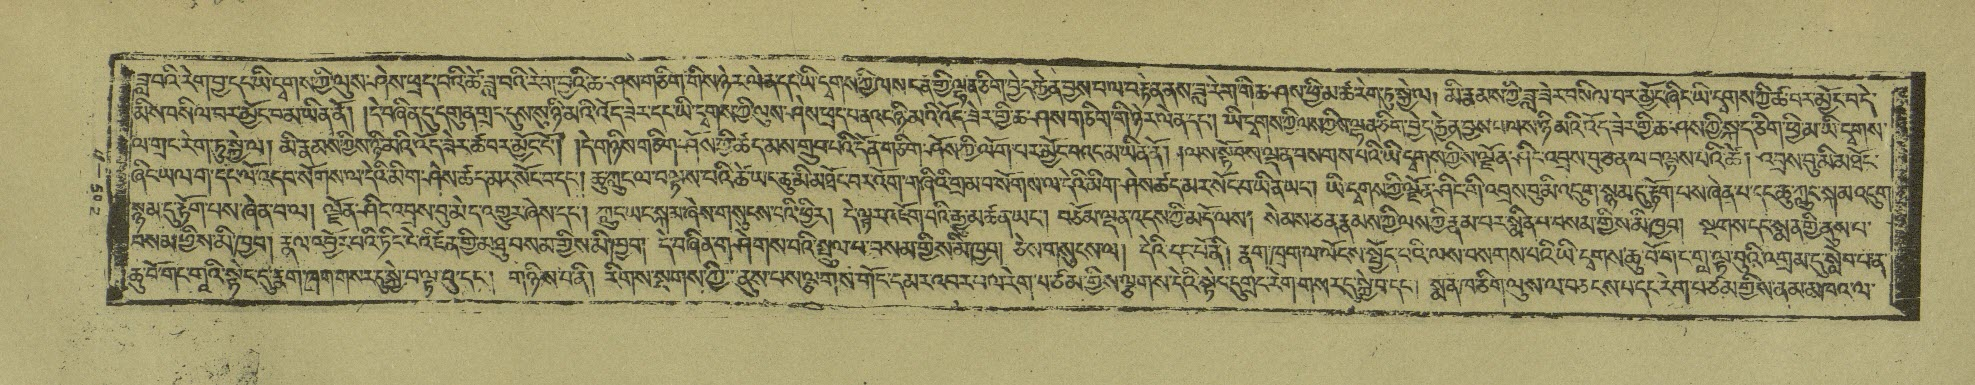ཟླ་བའི་རེག་བྱ་དང་ཡི་དྭགས་ཀྱི་ལུས་ཤེས་ཕྲད་པའི་ཚེ་ཟླ་བའི་རེག་བྱའི་ཆ་ཤས་གཅིག་གིས་ཉེར་ལེན་དང་ཡི་དྭགས་ཀྱི་ལས་ངན་གྱི་ལྷན་ཅིག་བྱེད་རྐྱེན་བྱས་པ་ལ་བརྟེན་ནས་ཟླ་རེག་གི་ཆ་ཤས་ཕྱི་མ་ཚ་རེག་ཏུ་སྐྱེ་ལ། མི་རྣམས་ཀྱི་ཟླ་ཟེར་བསིལ་བར་མྱོང་ཞིང་ཡི་དྭགས་ཀྱི་ཆ་བར་མྱོང་བ་དེ་
མིས་བསིལ་བར་མྱོང་བ་མ་ཡིན་ནོ། །དེ་བཞིན་དུ་དགུན་གྲང་དུས་སུ་ཉི་མའི་འོད་ཟེར་དང་ཡི་དྭགས་ཀྱི་ལུས་ཤེས་ཕྲད་པ་ནའང་ཉི་མའི་འོད་ཟེར་གྱི་ཆ་ཤས་གཅིག་གི་ཉེར་ལེན་དང་། ཡི་དྭགས་ཀྱི་ལས་ཀྱིས་ལྷན་ཅིག་བྱེད་རྐྱེན་བྱས་པ་ལས་ཉི་མའི་འོད་ཟེར་གྱི་ཆ་ཤས་ཀྱི་སྐད་ཅིག་ཕྱེ་མ་ཡི་དྭགས་
ལ་གྲང་རེག་ཏུ་སྐྱེ་ལ། མི་རྣམས་ཀྱིས་ཉི་མའི་འོད་ཟེར་ཚ་བར་མྱོང་ངོ། །དེ་གཉིས་གཅིག་ཤོས་ཀྱི་ཚད་མས་གྲུབ་པའི་དོན་གཅིག་ཤོས་ཀྱི་ལོག་པར་མྱོང་བའང་མ་ཡིན་ནོ། །ལས་སྟོབས་ལྡན་བསགས་པའི་ཡི་དྭགས་ཀྱིས་ལྗོན་ཤིང་འབྲས་བུ་ཅན་ལ་བལྟས་པའི་ཚེ། འབྲས་བུ་མི་མཐོང་
ཞིང་ཡལ་ག་དང་ལོ་འདབ་སོགས་ལ་དེའི་མིག་ཤེས་ཚད་མར་སོང་བ་དང་། ཆུ་ཀླུང་ལ་བལྟས་པའི་ཚེ་ཡང་ཆུ་མི་མཐོང་བར་འོག་གཞིའི་གྲམ་པ་སོགས་ལ་དེའི་མིག་ཤེས་ཚད་མར་སོང་བ་ཡིན་ཡང་། ཡི་དྭགས་ཀྱི་ལྗོན་ཤིང་གི་འབྲས་བུ་མི་འདུག་སྙམ་དུ་རྟོག་པས་ཞེན་པ་དང་ཆུ་ཀླུང་སྐམ་འདུག་
སྙམ་དུ་རྟོག་པས་ཞེན་པ་ལ། ལྗོན་ཤིང་འབྲས་བུ་མེད་འགྱུར་ཞེས་དང་། ཀླུང་ཡང་སྐམ་ཞེས་གསུངས་པའི་ཕྱིར། དེ་ལྟར་འཇོག་པའི་རྒྱུ་མཚན་ཡང་། བཅོམ་ལྡན་འདས་ཀྱི་མདོ་ལས། སེམས་ཅན་རྣམས་ཀྱི་ལས་ཀྱི་རྣམ་པར་སྨིན་པ་བསམ་གྱིས་མི་ཁྱབ། སྔགས་དང་སྨན་གྱི་ནུས་པ་
བསམ་གྱིས་མི་ཁྱབ། རྣལ་འབྱོར་བའི་ཏིང་ངེ་འཛིན་གྱི་མཐུ་བསམ་གྱིས་མི་ཁྱབ། དེ་བཞིན་གཤེགས་པའི་སྤྲུལ་པ་བསམ་གྱིས་མི་ཁྱབ། ཅེས་གསུངས་ལ། དེའི་དང་པོ་ནི། རྣག་ཁྲག་ལ་ལོངས་སྤྱོད་པའི་ལས་བསགས་པའི་ཡི་དྭགས་ཆུ་བོ་གང་གླ་ལྟ་བུའི་འགྲམ་དུ་སླེབ་པ་ན་
ཆུ་བོ་གང་གླའི་སྟེང་དུ་རྣག་ཁྲག་གསར་དུ་སྐྱེ་བ་ལྟ་བུ་དང་། གཉིས་པ་ནི། རིགས་སྔགས་ཀྱི་ནུས་པས་ལྕགས་གོང་དམར་འབར་བ་ལ་རེག་པ་ཙམ་གྱིས་ལྕགས་དེའི་སྟེང་དུ་གྲང་རེག་གསར་དུ་སྐྱེ་བ་དང་། སྨན་ཁ་ཅིག་ལུས་ལ་བཅངས་པ་དང་རེག་པ་ཙམ་གྱིས་ནམ་མཁའ་ལ་